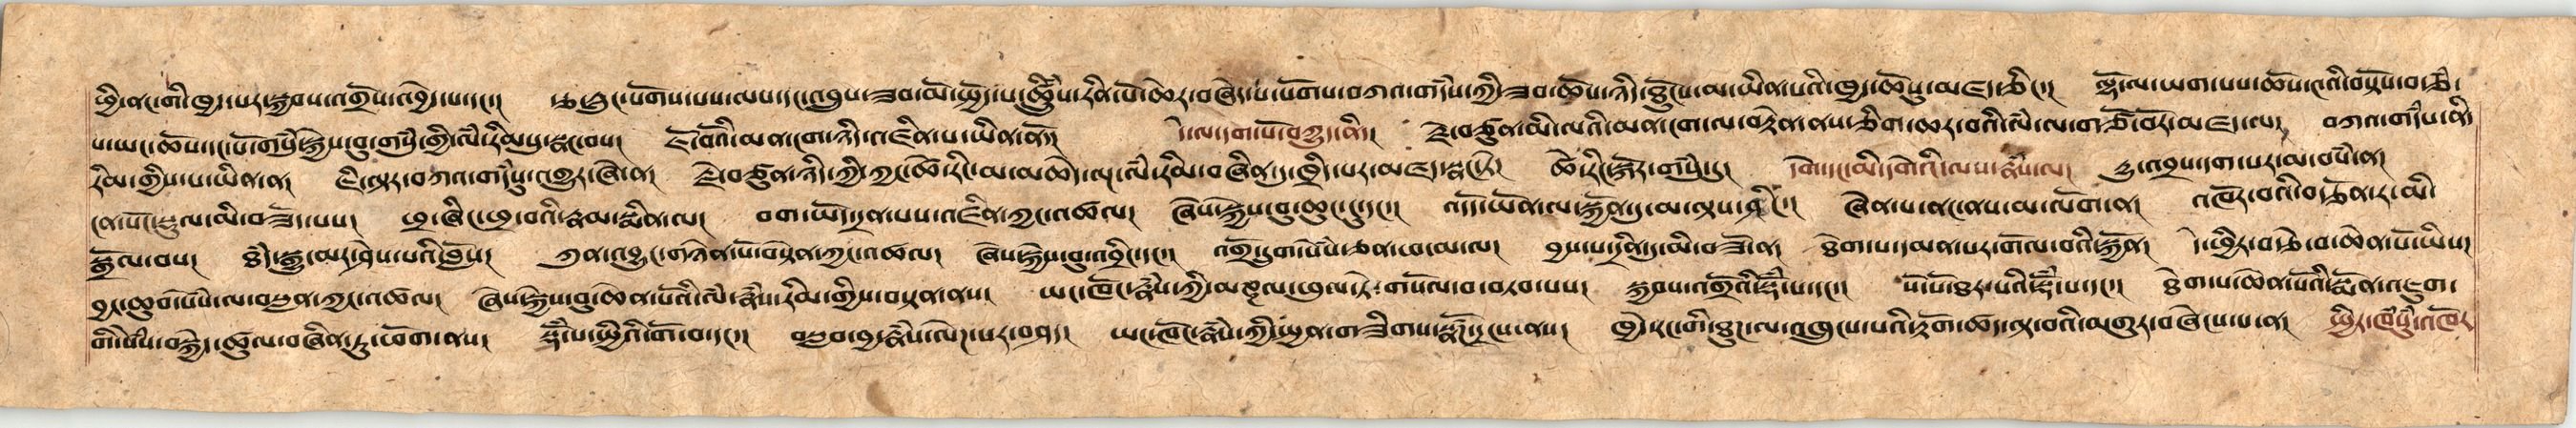ཕྱི་ནང་གི་ཁྱད་པར་སྐྱབས་འགྲོས་འབྱེད་པ་དང་། རྩ་རླུང་སོགས་པས་ལས་དང་འབྲུས་ཟབ་མོ་སྤྱོད་པ་ཚྲིུཾས་རིན་པོ་ཆེར་བཞེད་པ་སོགས་བཀའ་གདཾས་ཀྱི་ཟབ་ཆོས་ཉིད་ཐོུངས་མ་ཡིན་པའི་ཁྱད་ཆོསུ་མཛད་ཅིང་། ལྷོ་ལ་ཡག་པས་ཆོས་༤འི་བསྟོས་བ་ཙཾ་
པ་ཡང་ཆོས་དང་པོ་གསུཾ་སྐྱེས་བུ་གསུཾ་གྱི་ལཾ་རིམསུ་སྣང་བས། ཇོ་བོའི་མན་ངག་ཉིད་འཛིན་པ་ཡིན་ནོ་། དེ་ལ་དག་པོའི་བཀྱུད་ནི་། རྗེ་བཙུན་མི་ལའི་མན་ངག་ལ་བརྟེན་ནས་ཅིག་ཆར་བའི་ལཾ་ལ་གཙོ་བོརམཛད་ལ། བཀའ་གདཾས་ནི་
རིམ་གྱིས་པ་ཡིན་ན། ཇི་ལྟརབཀའ་གདཾསུ་འགྱུར་ཞེ་ན། རྗེ་བཙུན་ཉིད་ཀྱི་ཀྱང་ཚེ་རིང་མ་མཆེད་ལྔ་ལཾ་རིམ་བཞིན་དུ་ཁྲིད་པར་མཛད་སྣང་ཏེ། ཚེ་རིང་སྐོར་གསུཾ་དུ། དགེ་དང་མི་དགེའི་ལས་རྣཾས་ལ། རྒྱུ་འབྲས་དག་པར་མ་བསཾ་ན།
ངན་སོང་སྡུལ་མི་བཟོད་པས། ཕྲ་ཞིང་ཕྲ་བའི་རྣམ་སྨིན་ལ། བག་ཡོད་དྲན་པས་ཟིན་ཀྱང་འཚལ། ཞེས་སྐྱེས་བུ་ཆུང་ངུ་དང་། འདོད་ཡོན་ལ་སྐྱོན་དུ་མ་ལྟས་ཤིང་། ཞེན་པ་ནང་ནས་མ་ལོག་ན། འཁོར་བའི་བརྩོན་ར་མི་
སྒྲོལ་བས། ཐཾད་སྒྱུ་མར་ཤེས་པའི་བློས། ཀུན་འབྱུང་གཉེན་པོ་བསྟེན་ཀྱང་འཚལ། ཞེས་སྐྱེས་བུ་འབྲིང་དང་། འགྲོ་དྲུག་སེསཾ་ཅན་ཕ་མ་ལ། བྱས་པ་དྲིན་དུ་མི་བཟོ་ན། ཐེག་པ་དམན་པར་གོལ་བའི་སྐྱོན། དེ་ཕྱིར་བརྩེ་བ་ཆེན་པོ་ཡིས།
བྱང་ཆུབ་སེཾས་ལ་བསླན་ཀྱང་འཚལ། ཞེས་སྐྱེས་བུ་ཆེན་པོའི་ལཾ་རྣཾས་རིམ་གྱིས་བསྟན་ནས། ཡང་ཁོང་རྣཾས་ཀྱི་མཎྜལ་ཕུལ་ཏེ་གསོལ་བ་བཏབ་པས། སྐྱབས་འགྲོའི་སྡོཾ་པ་དང་། སོ་སོ་ཐར་པའི་སྡོཾ་པ་དང་། ཐེག་པ་ཆེན་པོའི་སྨོན་འཇུག་
གི་སེསཾ་བསྐྱེད་ཚུལ་བཞིན་ཏུ་ཕོག་ནས། སྡོཾ་པ་སྤྱིའི་གོ་བ་དང་། བསླབ་བྱ་རྣཾས་ལེཌ་པར་བཤད། ཡང་ཁོང་རྣཾས་ཀྱི་སྤྱན་གཟིགས་སྣཚོཌ་དྲངས་ནས། ཁྱེད་རང་གི་ཐུཌ་ལ་འཁྲུངས་པའི་རྟོག་ཚད་ལྟ་བའི་མགུར་བཞེངས་པ་ན། སྤྱིར་ཁཾསུཾ་འཁོར